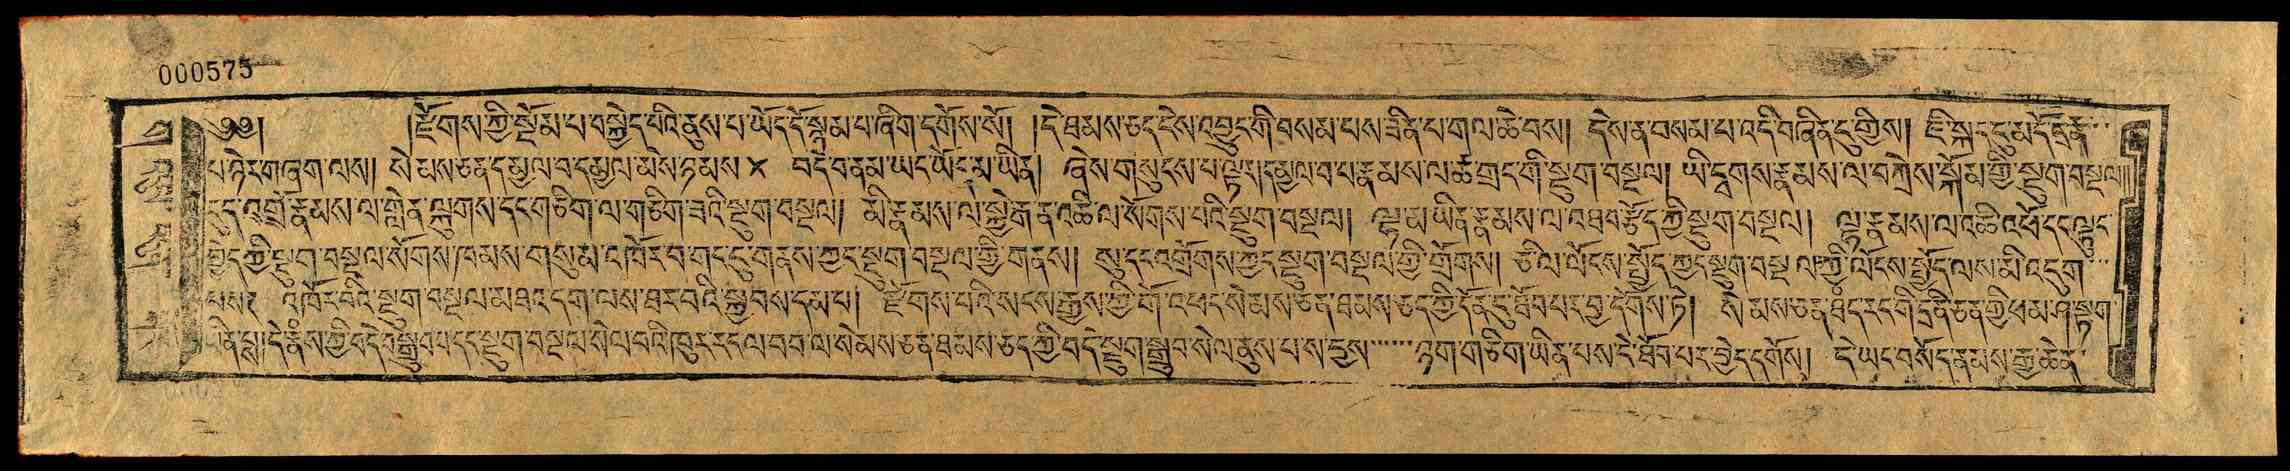༄༅། །རྫོགས་ཀྱི་སྡོམ་པ་བསྐྱེད་པའི་ནུས་པ་ཡོད་དོ་སྙམ་པ་ཞིག་དགོས་སོ། །དེ་ཐམས་ཅད་ངེས་འབྱུང་གི་བསམ་པས་ཟིན་པ་གལ་ཆེ་བས། དེས་ན་བསམ་པ་འདི་བཞིན་དུ་གྱིས། ཇི་སྐད་དུ་མདོ་དྲན་
པ་ཉེར་གཞག་ལས། སེམས་ཅན་དམྱལ་བ་དམྱལ་མོས་ཉམས་྾་བདེ་བ་ནམ་ཡང་ཡོད་མ་ཡིན། ཞེས་གསུངས་པ་ལྟར་དམྱལ་བ་པ་རྣམས་ལ་ཚ་གྲང་གི་སྡུག་བསྔལ། ཡི་དྭགས་རྣམས་ལ་བཀྲེས་སྐོམ་གྱི་སྡུག་བསྔལ་
དུད་འགྲོ་རྣམས་ལ་གླེན་ལྐུགས་དང་གཅིག་ལ་གཅིག་ཟའི་སྡུག་བསྔལ། མི་རྣམས་ལ་སྐྱེ་རྒན་འཆིལ་སོགས་པའི་སྡུག་བསྔལ། ལྷ་མ་ཡིན་རྣམས་ལ་འཐབ་རྩོད་ཀྱི་སྡུག་བསྔལ། ལྷ་རྣམས་ལ་འཆི་འཕོ་དང་ལྟུང་
བྱེད་ཀྱི་སྡུག་བསྔལ་སོགས་ཁམས་གསུམ་འཁོར་བ་གང་དུ་གནས་ཀྱང་སྡུག་བསྔལ་གྱི་གནས། སུ་དང་འགྲོགས་ཀྱང་སྡུག་བསྔལ་གྱི་གྲོགས། ཅི་ལ་ལོངས་སྤྱོད་ཀྱང་སྡུག་བསྔལ་གྱི་ལོངས་སྤྱོད་ལས་མི་འདུག་
པས། འཁོར་བའི་སྡུག་བསྔལ་མཐའ་དག་ལས་ཐར་བའི་སྐྱབས་དམ་པ། རྫོགས་པའི་སངས་རྒྱས་ཀྱི་གོ་འཕང་སེམས་ཅན་ཐམས་ཅད་ཀྱི་དོན་དུ་ཐོབ་པར་བྱ་དགོས་ཏེ། སེམས་ཅན་ཐམས་ཅད་རང་གི་དྲིན་ཅན་གྱི་ཕ་མ་ཤ་རྟག་
ཡིན་པས། དེ་རྣམས་ཀྱི་བདེ་བསྒྲུབ་པ་དང་སྡུག་བསྔལ་སེལ་བའི་ཁུར་རང་ལ་བབ་ལ་སེམས་ཅན་ཐམས་ཅད་ཀྱི་བདེ་སྡུག་སྒྲུབ་སེལ་ནུས་པ་སངས་རྒྱས་ཉག་གཅིག་ཡིན་པས་དེ་ཐོབ་པར་བྱེད་དགོས། དེ་ཡང་བསོད་ནམས་རྒྱ་ཆེན་